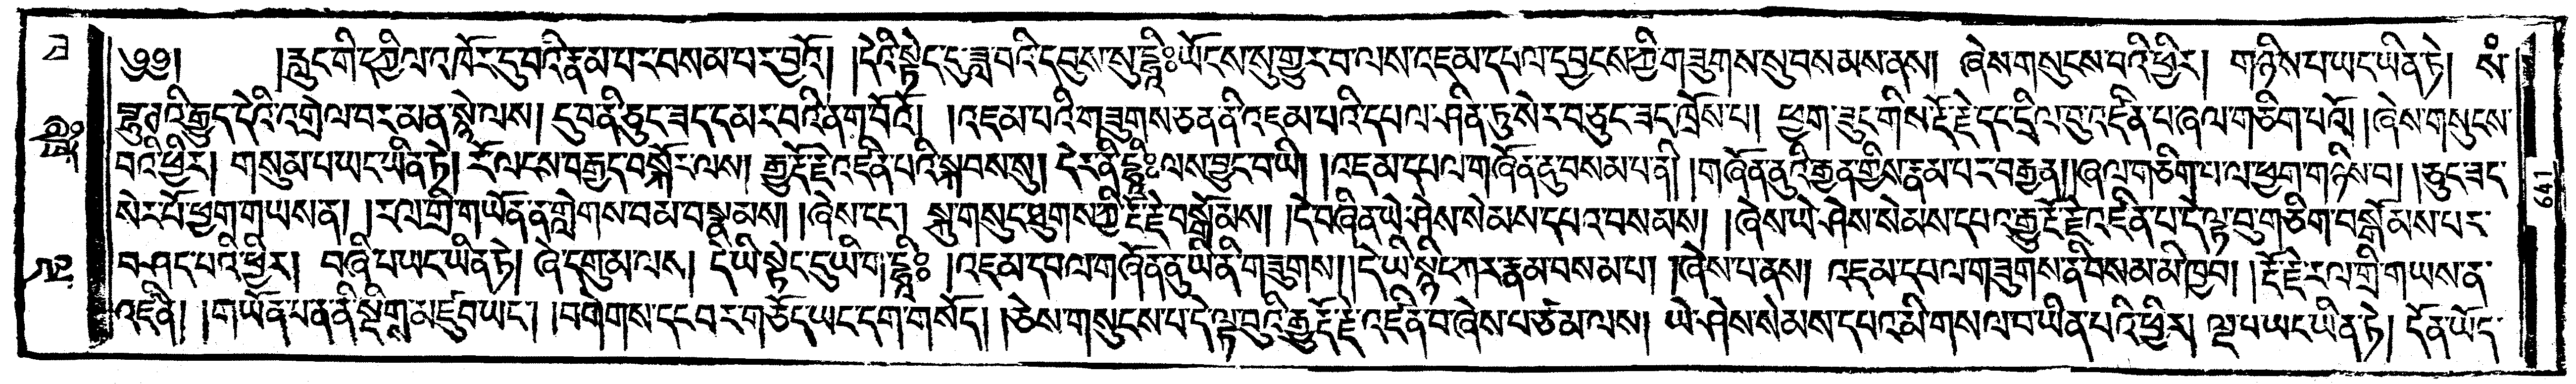༄༅། །རླུང་གི་དཀྱིལ་འཁོར་དུ་བའི་རྣམ་པར་བསམ་པར་བྱའོ། །དེའི་སྟེང་དུ་ཟླ་བའི་དབུས་སུ་དྷཱིཿཡོངས་སུ་གྱུར་བ་ལས་འཇམ་དཔལ་དབྱངས་ཀྱི་གཟུགས་སུ་བསམས་ནས། ཞེས་གསུངས་པའི་ཕྱིར། གཉིས་པ་ཡང་ཡིན་ཏེ། སཾ་
བྷུ་ཊའི་རྒྱུད་དེའི་འགྲེལ་བར་མན་སྙེ་ལས། དུ་བ་ནི་ཅུང་ཟད་དམར་བའི་ནག་པོའོ། །འཇམ་པའི་གཟུགས་ཅན་ནི་འཇམ་པའི་དཔལ་ཤིན་ཏུ་སེར་བ་ཅུང་ཟད་ཁྲོས་པ། ཕྱག་ཟུང་གིས་རྡོ་རྗེ་དང་དྲིལ་བུ་འཛིན་པ་ཞལ་གཅིག་པའོ། །ཞེས་གསུངས་
བའི་ཕྱིར། གསུམ་པ་ཡང་ཡིན་ཏེ། རོ་ལངས་བརྒྱད་བསྐོར་ལས། རྒྱུ་རྡོ་རྗེ་འཛིན་པའི་སྐབས་སུ། དེར་ནི་དྷཱིཿལས་བྱུང་བ་ཡི། །འཇམ་དཔལ་གཞོན་ནུ་བསམ་པ་ནི། །གཞོན་ནུའི་རྒྱན་གྱིས་རྣམ་པར་བརྒྱན། །ཞལ་གཅིག་པ་ལ་ཕྱག་གཉིས་པ། །ཅུང་ཟད་
སེར་པོ་ཕྱག་གཡས་ན། །རལ་གྲི་གཡོན་ན་གླེགས་བམ་བསྣམས། །ཞེས་དང་། སྐུ་གསུང་ཐུགས་ཀྱི་རྡོ་རྗེ་བསྒོམས། །དེ་བཞིན་ཡེ་ཤེས་སེམས་དཔའ་བསམས། །ཞེས་ཡེ་ཤེས་སེམས་དཔའ་རྒྱུ་རྡོ་རྗེ་འཛིན་པ་དེ་ལྟ་བུ་གཅིག་བསྒོམས་པར་
བཤད་པའི་ཕྱིར། བཞི་པ་ཡང་ཡིན་ཏེ། ཞེ་དགུ་མ་ལས། དེ་ཡི་སྟེང་དུ་ཡི་ག་དྷཱིཿ །འཇམ་དཔལ་གཞོན་ནུ་ཡི་ནི་གཟུགས། །དེ་ཡི་སྙིང་ཀར་རྣམ་བསམ་པ། །ཞེས་པ་ནས། འཇམ་དཔལ་གཟུགས་ནི་བསམ་མི་ཁྱབ། །རྡོ་རྗེ་རལ་གྲི་གཡས་ན་
འཛིན། །གཡོན་པ་ན་ནི་སྡིགས་མཛུབ་ཡང་། །བགེགས་དང་བར་གཅོད་ཡང་དག་གསོད། །ཅེས་གསུངས་པ་དེ་ལྟ་བུའི་རྒྱུ་རྡོ་རྗེ་འཛིན་པ་ཞེས་པ་ཙམ་ལས། ཡེ་ཤེས་སེམས་དཔའ་མི་གསལ་བ་ཡིན་པའི་ཕྱིར། ལྔ་པ་ཡང་ཡིན་ཏེ། དོན་ཡོད་